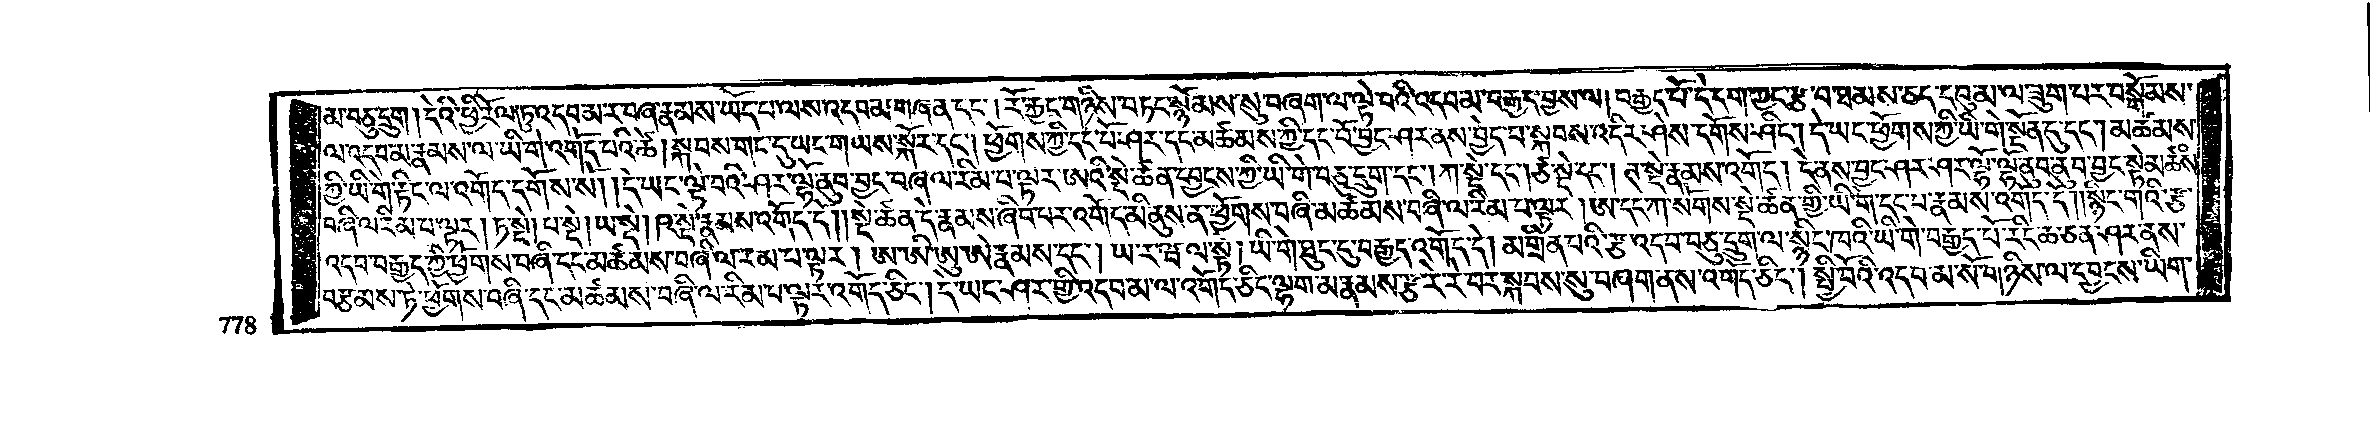མ་བཅུ་དྲུག །དེའི་ཕྱི་རོལ་ཏུ་འདབ་མར་བཞི་རྣམས་ཡོད་པ་ལས་འདབ་མ་གཞན་དང་། རོ་རྐྱང་གཉིས་བཏང་སྙོམས་སུ་བཞག་ལ་ལྟེ་བའི་འདབ་མ་བརྒྱད་བྱས་ལ། བརྒྱད་པོ་དེ་དག་ཀྱང་རྩ་བ་ཐམས་ཅད་དབུ་མ་ལ་ཟུག་པར་བསྒོམས་
ལ་འདབ་མ་རྣམས་ལ་ཡི་གེ་འགོད་པའི་ཚེ། སྐབས་གང་དུ་ཡང་གཡས་སྐོར་དང་། ཕྱོགས་ཀྱི་དང་པོ་ཤར་དང་མཚམས་ཀྱི་དང་པོ་བྱང་ཤར་ནས་བྱེད་པ་སྐབས་འདིར་ཤེས་དགོས་ཤིང་། དེ་ཡང་ཕྱོགས་ཀྱི་ཡི་གེ་སྔོན་དུ་དང་། མཚམས་
ཀྱི་ཡི་གེ་རྟིང་ལ་འགོད་དགོས་སོ། །དེ་ཡང་ལྟེ་བའི་ཤར་ལྷོ་ནུབ་བྱང་བཞལ་རིམ་པ་ལྟར་ཨཱི་སྡེ་ཚན་དབྱངས་ཀྱི་ཡི་གེ་བཅུ་དྲུག་དང་། ཀ་སྡེ་དང་། ཚ་སྡེ་དང་། ཊ་སྡེ་རྣམས་འགོད། དེ་ནས་བྱང་ཤར་ཤར་ལྷོ་ལྷོ་ནུབ་ནུབ་བྱང་སྟེ་མཚམས་
བཞི་ལ་རིམ་པ་ལྟར། ཏ་སྡེ། པ་སྡེ་ཡ་སྡེ། ཥ་སྡེ་རྣམས་འགོད་དོ། །སྡེ་ཚན་དེར་ནམས་ཞིབ་པར་འགོད་མི་ནུས་ན་ཕྱོགས་བཞི་མཚམས་བཞི་ལ་རིམ་པ་ལྟར། ཨ་དང་ཀ་སོགས་སྡེ་ཚན་གྱི་ཡི་གེ་དང་པ་རྣམས་འགོད་དོ། །སྙིང་གའི་རྩ་
འདབ་བརྒྱད་ཀྱི་ཕྱོགས་བཞི་དང་མཚམས་བཞི་ལ་རམ་པ་ལྟར། ཨ་ཨི་ཨུ་ཨེ་རྣམས་དང་། ཡ་ར་ཝ་ལ་སྟེ། ཡི་གེ་ཐུང་ངུ་བརྒྱད་འགོད་དེ། མགྲིན་པའི་རྩ་འདབ་བཅུ་དྲུག་ལ་སྙིང་ཁའི་ཡི་གེ་བརྒྱད་པོ་རིང་ཆ་ཅན་ཤར་ནས་
བརྩམས་ཏེ་ཕྱོགས་བཞི་དང་མཚམས་བཞི་ལ་རིམ་པ་ལྟར་འགོད་ཅིང་། དེ་ཡང་ཤར་གྱི་འདབ་མ་ལ་འགོད་ཅིང་ལྷག་མ་རྣམས་རྩ་རེ་རེ་བར་སྐབས་སུ་བཞག་ནས་འགོད་ཅིང་། སྤྱི་བོའི་འདབ་མ་སོ་གཉིས་ལ་དབྱངས་ཡིག་